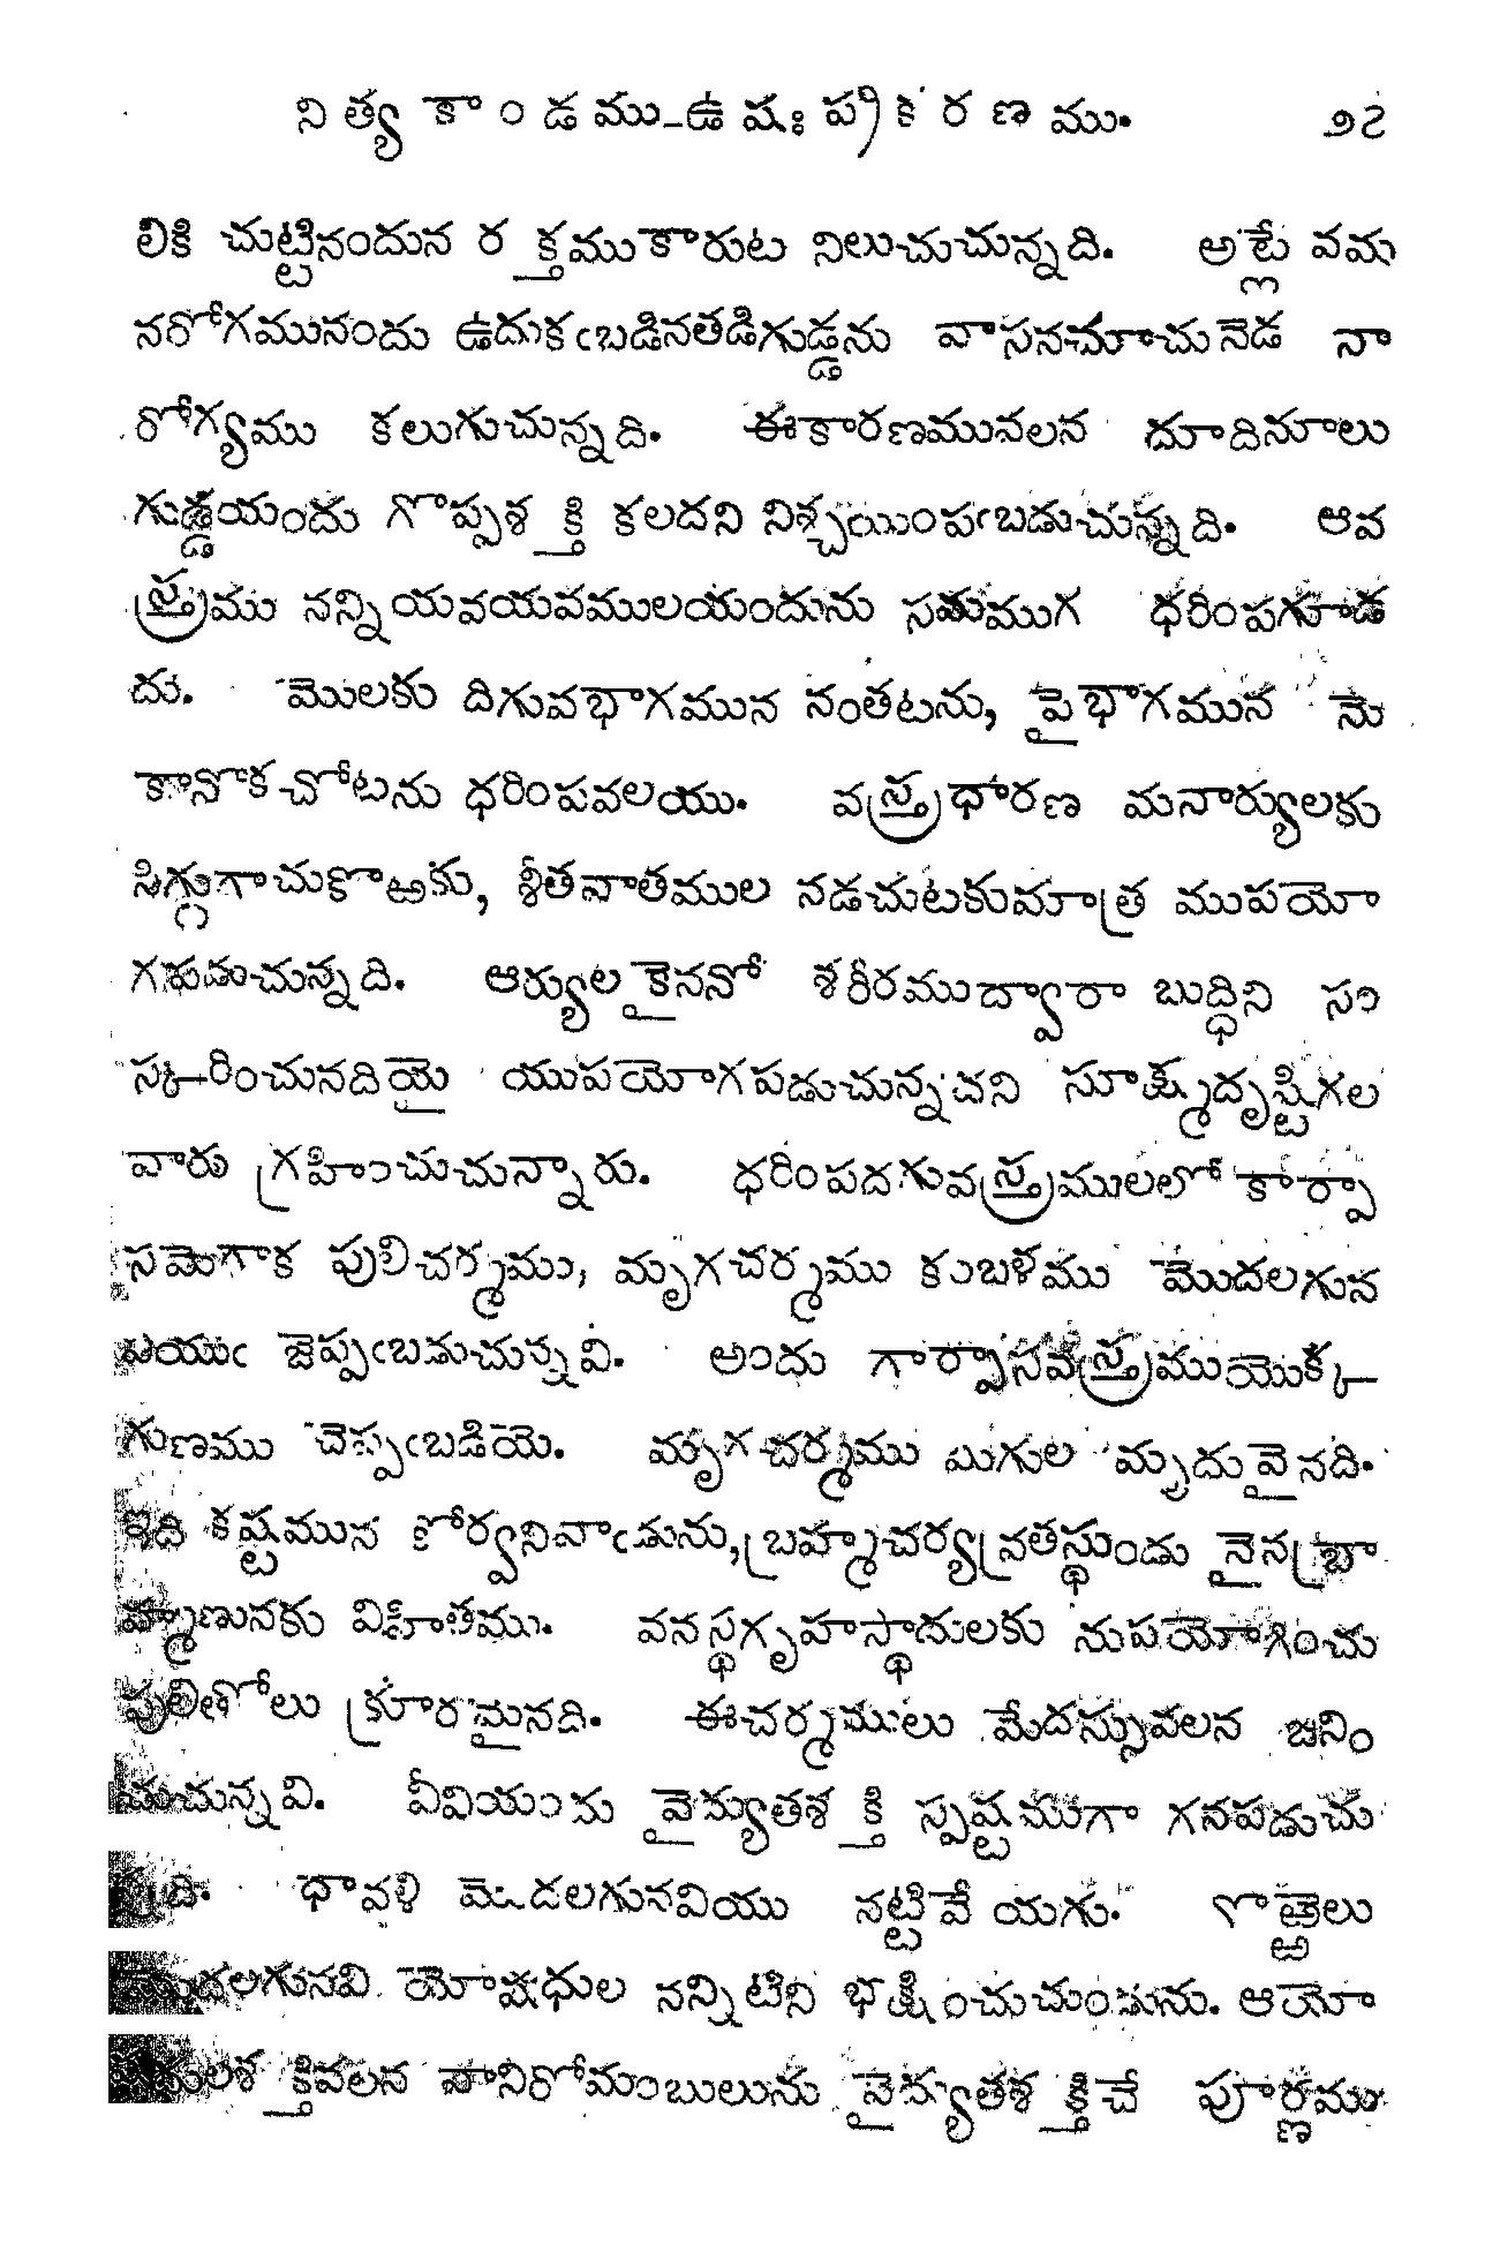లికి చుట్టినందున రక్తముకారుట నిలుచుచున్నది. అట్లే వమనరోగమునందు ఉదుకఁబడినతడిగుడ్డును వాసనచూచునెడ నారోగ్యము కలుగుచున్నది. ఈకారణమువలన దూదినూలు గుడ్డయందు గొప్పశక్తి కలదని నిశ్చయింపఁబడుచున్నది. ఆవస్త్రము నన్నియవయవములయందును సమముగ ధరింపగూడదు. మొలకు దిగువభాగమున నంతటను, పైభాగమున నొకానొకచోటను ధరింపవలయు. వస్త్రధారణ మనార్యులకు
సిగ్గుగాచుకొఱకు, శీతవాతముల నడచుటకుమాత్ర ముపయోగపడుచున్నది. ఆర్యులకైననో శరీరముద్వారా బుద్ధిని సంస్కరించునదియై యుపయోగపడుచున్నదని సూక్ష్మదృష్టిగలవారు గ్రహించుచున్నారు. ధరింపదగువస్త్రములలో కార్పాసమెగాక పులిచర్మము, మృగచర్మము కంబళము మొదలగునవియుఁ జెప్పఁబడుచున్నవి. అందు గార్పాసవస్త్రముయొక్క గుణము చెప్పఁబడియె. మృగచర్మము మిగుల మృదువైనది. ఇది కష్టమున కోర్వనివాఁడును, బ్రహ్మచర్యవ్రతస్థుండు నైనబ్రాహ్మణునకు విహితము. వనస్థగృహస్థాదులకు నుపయోగించు పులితోలు క్రూరమైనది. ఈచర్మములు మేదస్సువలన జనించుచున్నవి. వీనియందు వైద్యుతశక్తి స్పష్టముగా గనపడుచున్నది. ధావళి మొదలగునవియు నట్టివే యగు. గొఱ్ఱెలు 
మొదలగునవి యోషధుల నన్నిటిని భక్షించుచుండును. ఆయోషదులశక్తివలన వానిరోమంబులును వైద్యుతశక్తిచే పూర్ణము